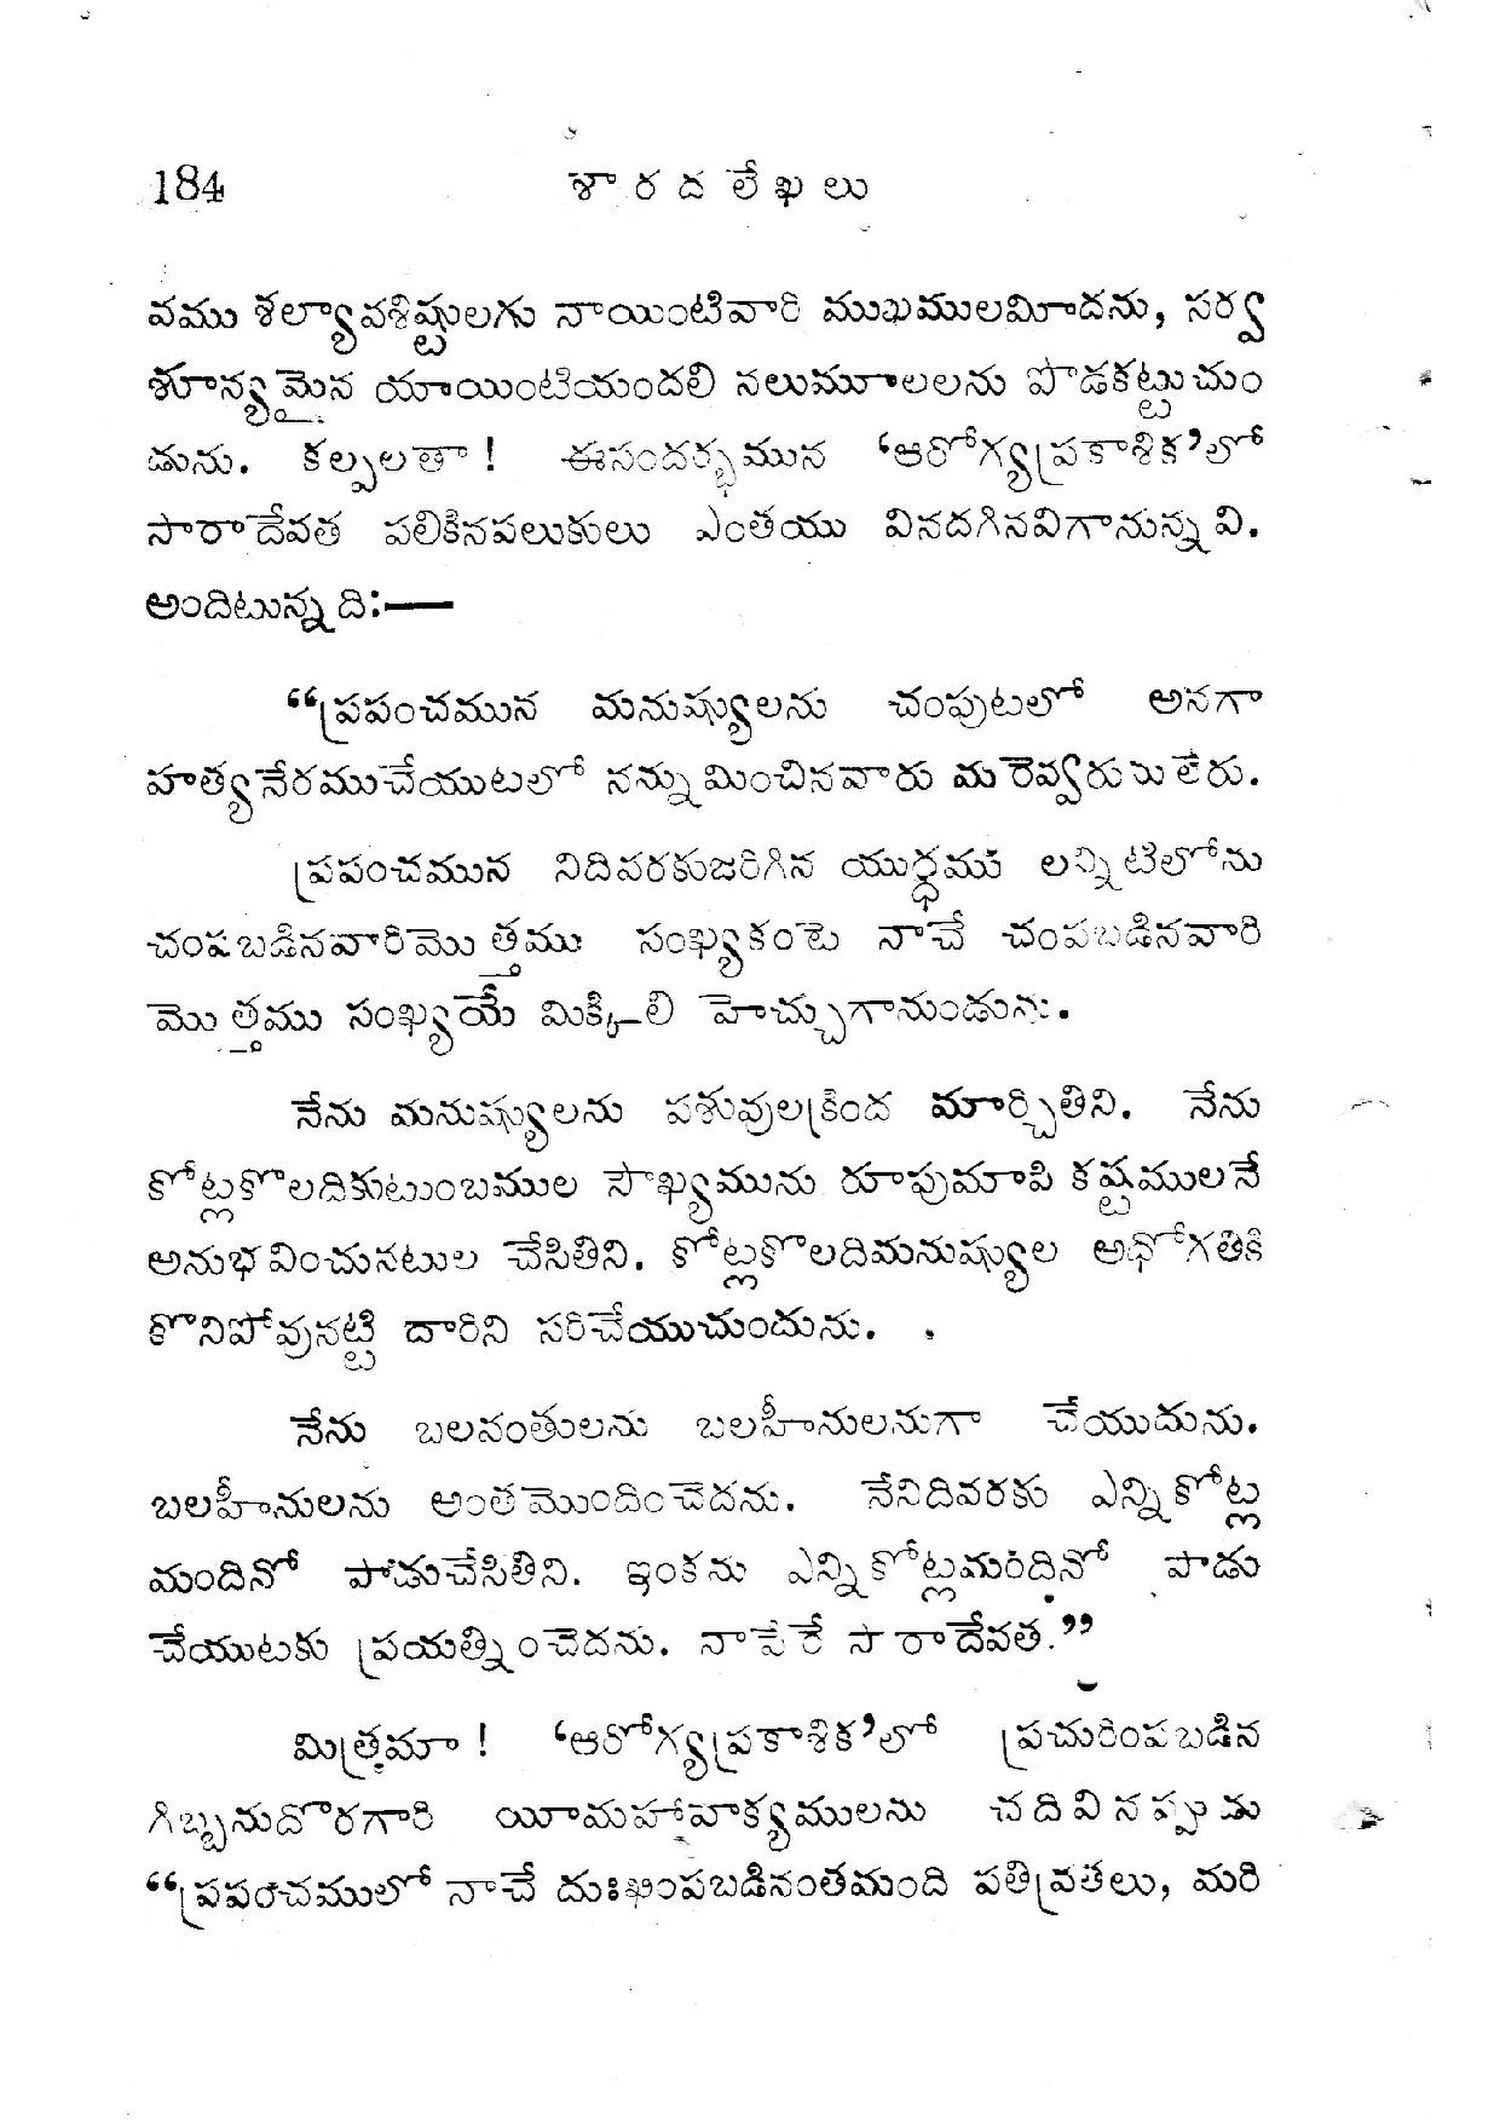వము శల్యావశిష్టులగు నాయింటివారి ముఖములమీదను, సర్వశూన్యమైన యాయింటియందలి నలుమూలలను పొడకట్టుచుండును. కల్పలతా! ఈసందర్భమున 'ఆరోగ్యప్రకాశిక'లో సారాదేవత పలికినపలుకులు ఎంతయు వినదగినవిగానున్నవి. అంటున్నది:-

"ప్రపంచమున మనుష్యులను చంపుటలో అనగా హత్యనేరముచేయుటలో నన్నుమించినవారు మరెవ్వరును లేరు.

ప్రపంచమున నిదివరకుజరిగిన యుద్ధము లన్నిటిలోను చంపబడినవారిమొత్తము సంఖ్యకంటె నాచే చంపబడినవారి మొత్తము సంఖ్యయే మిక్కిలి హెచ్చుగానుండును.

నేను మనుష్యులను పశువులక్రింద మార్చితిని. నేను కోట్లకొలదికుటుంబముల సౌఖ్యమును రూపుమాపి కష్టములనే అనుభవించునటుల చేసితిని. కోట్లకొలదిమనుష్యుల అధోగతికి కొనిపోవునట్టి దారిని సరిచేయుచుందును.

నేను బలవంతులను బలహీనులనుగా చేయుదును. బలహీనులను అంతమొందించెదను. నేనిదివరకు ఎన్నికోట్ల మందినో పాడుచేసితిని. ఇంకను ఎన్నికోట్లమందినో పాడుచేయుటకు ప్రయత్నించెదను. నాపేరే సారాదేవత.”

మిత్రమా ! 'ఆరోగ్యప్రకాశిక'లో ప్రచురింపబడిన గిబ్బనుదొరగారి యీమహావాక్యములను చదివినప్పుడు
"ప్రపంచములో నాచే దుఃఖింపబడినంతమంది పతివ్రతలు, మరి